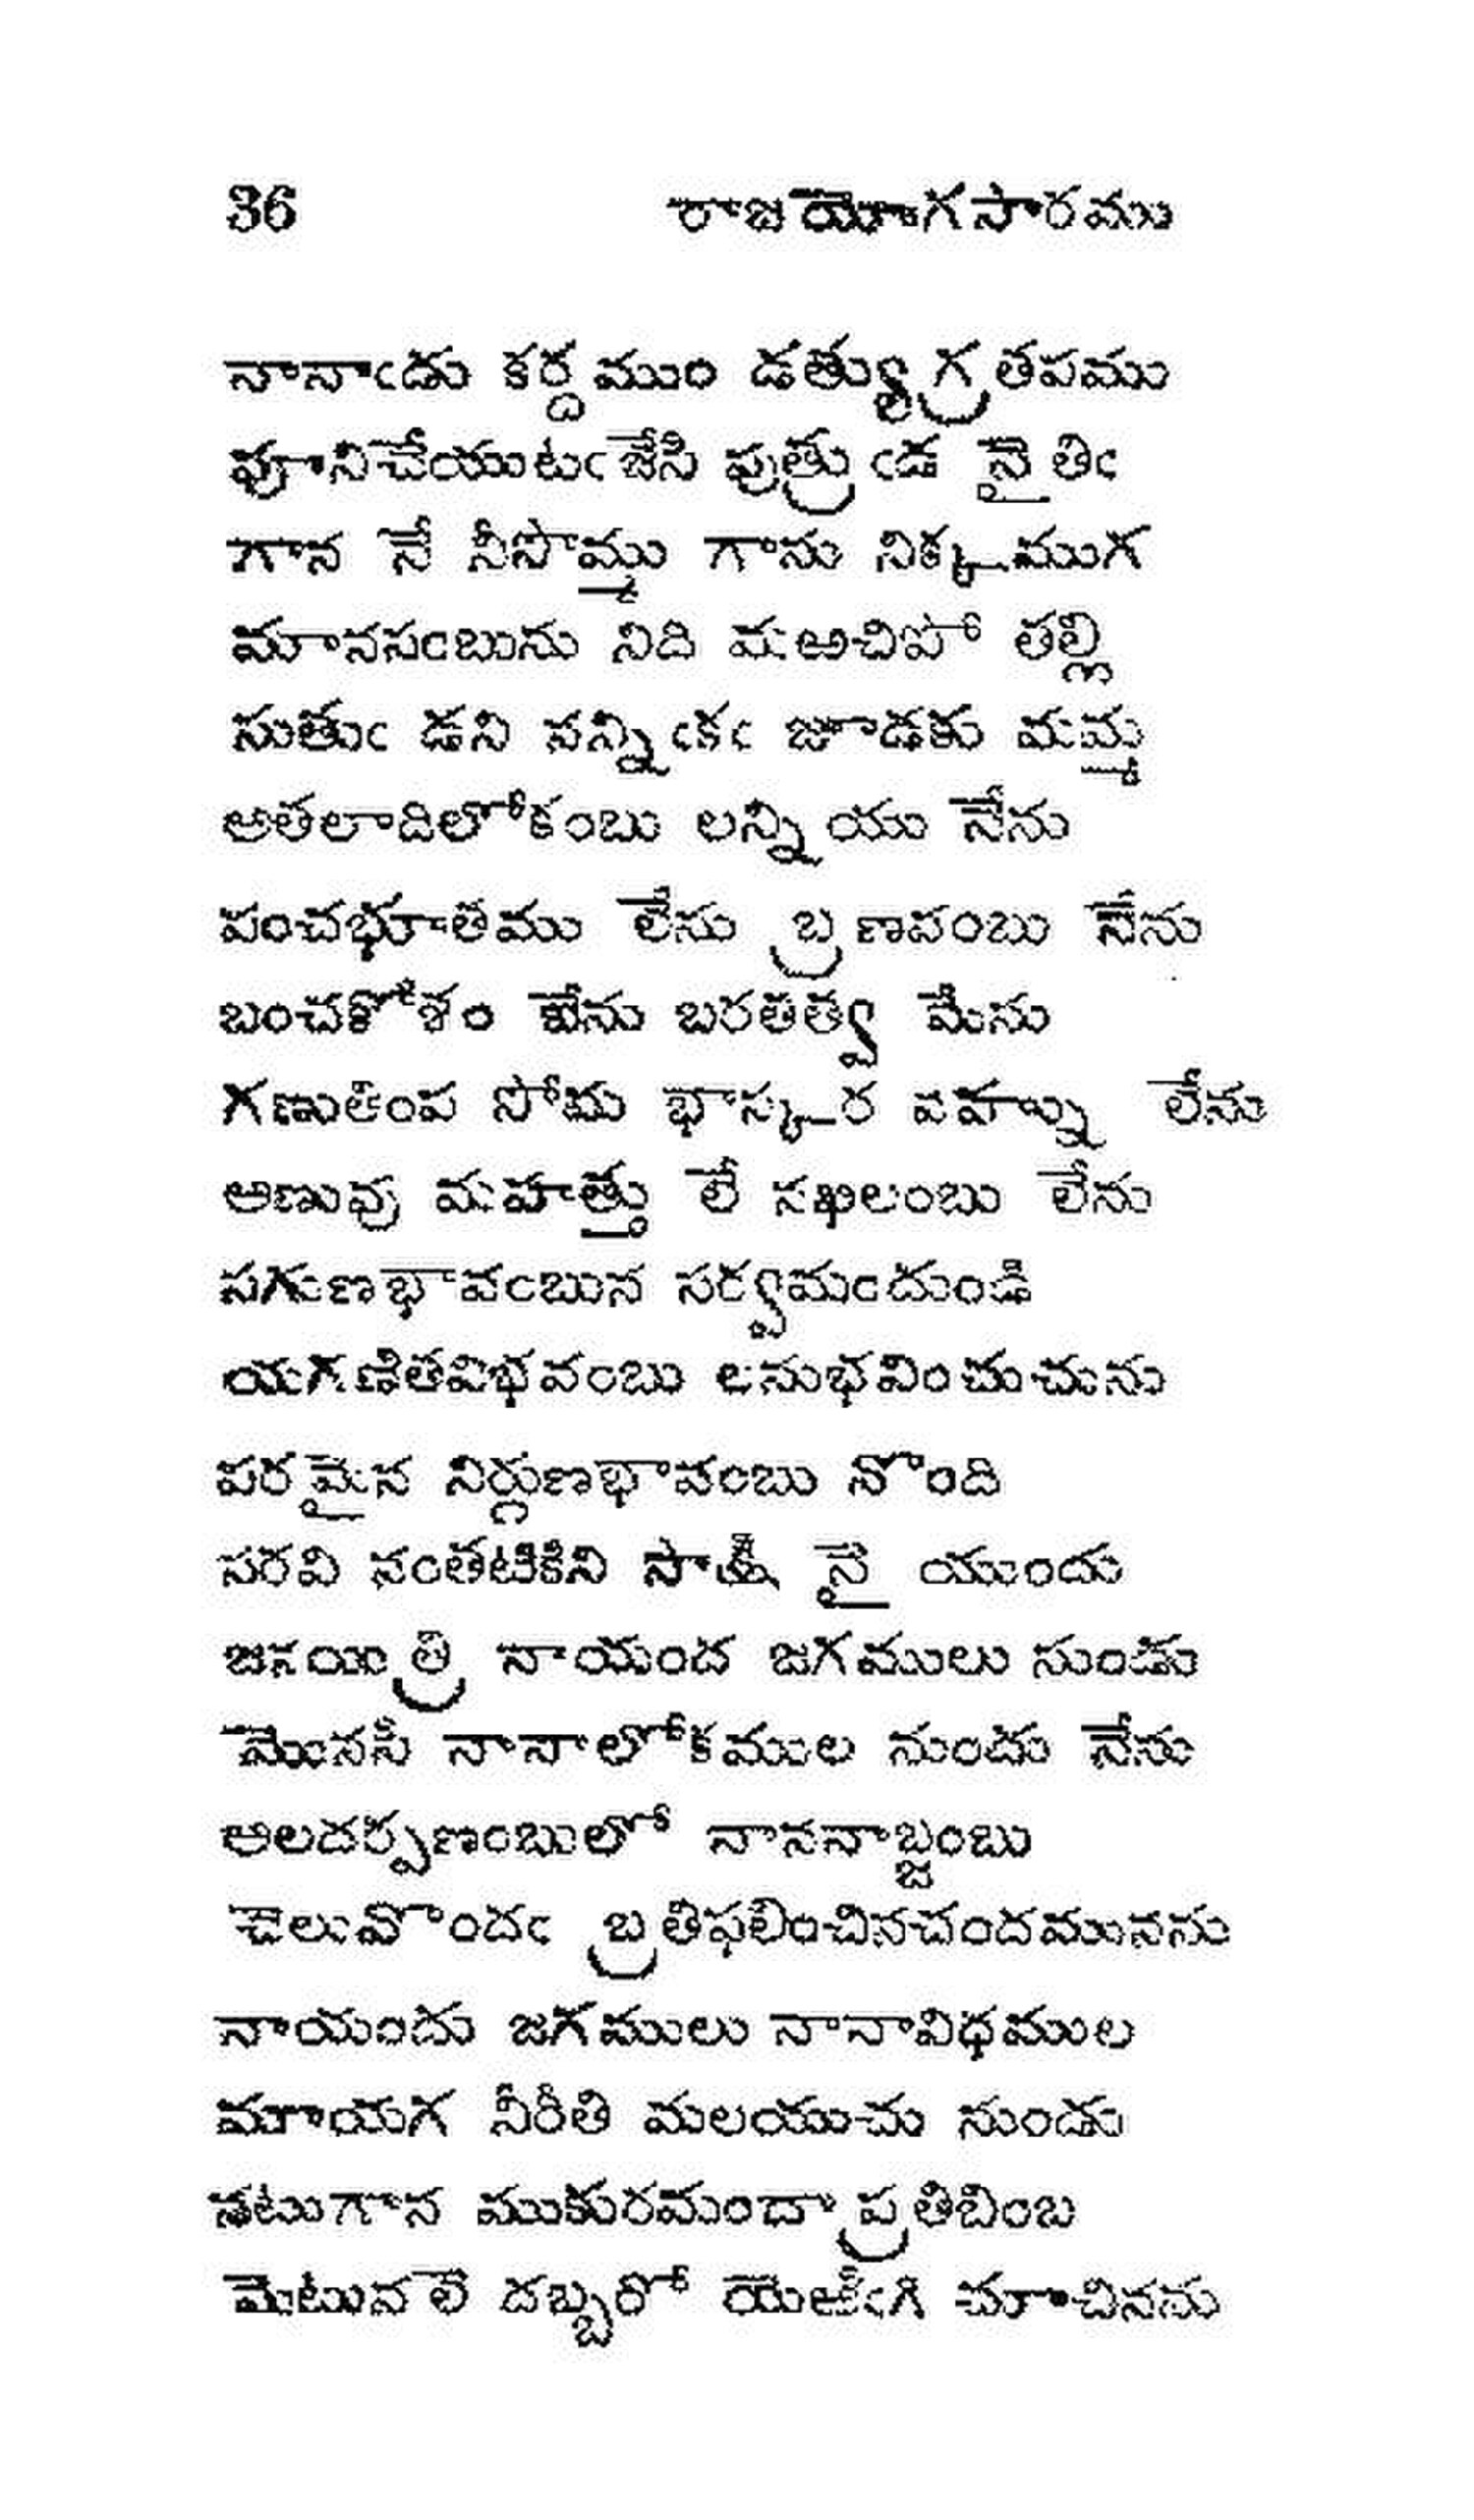నానాఁడు కర్దముం డత్యుగ్రతపము
పూనిచేయుటఁజేసి పుత్రుఁడ నైతిఁ
గాన నే నీసొమ్ము గాను నిక్కముగ
మానసంబును నిది మఱచిపో తల్లి
సుతుఁ డని నన్నికఁ జూడకు మమ్మ 
అతలాదిలోకంబు లన్నియు నేను
పంచభూతము లేను బ్రణవంబు నేను 
బంచకోశం బేను బరతత్వ మేను 
గణుతింప సోమ భాస్కర వహ్ను లేను
అణువు మహత్తు లే నఖిలంబు లేను
సగుణభావంబున సర్వమందుండి
యగణితవిభవంబు లనుభవించుచును
పరమైన నిర్గుణభావంబు నొంది
సరవి నంతటికిని సాక్షి నై యుందు
జనయిత్రి నాయంద జగములు నుండు
మొనసి నానాలోకముల నుందు నేను
అలదర్పణంబులో నాననాబ్జంబు
చెలువొందఁ బ్రతిఫలించినచందమునేను
నాయందు జగములు నానావిధముల
మాయగ నీరీతి మలయుచు నుండు
నటుగాన ముకురమందా ప్రతిబింబ
మెటువలె దబ్బరో యెఱిఁగి చూచినను